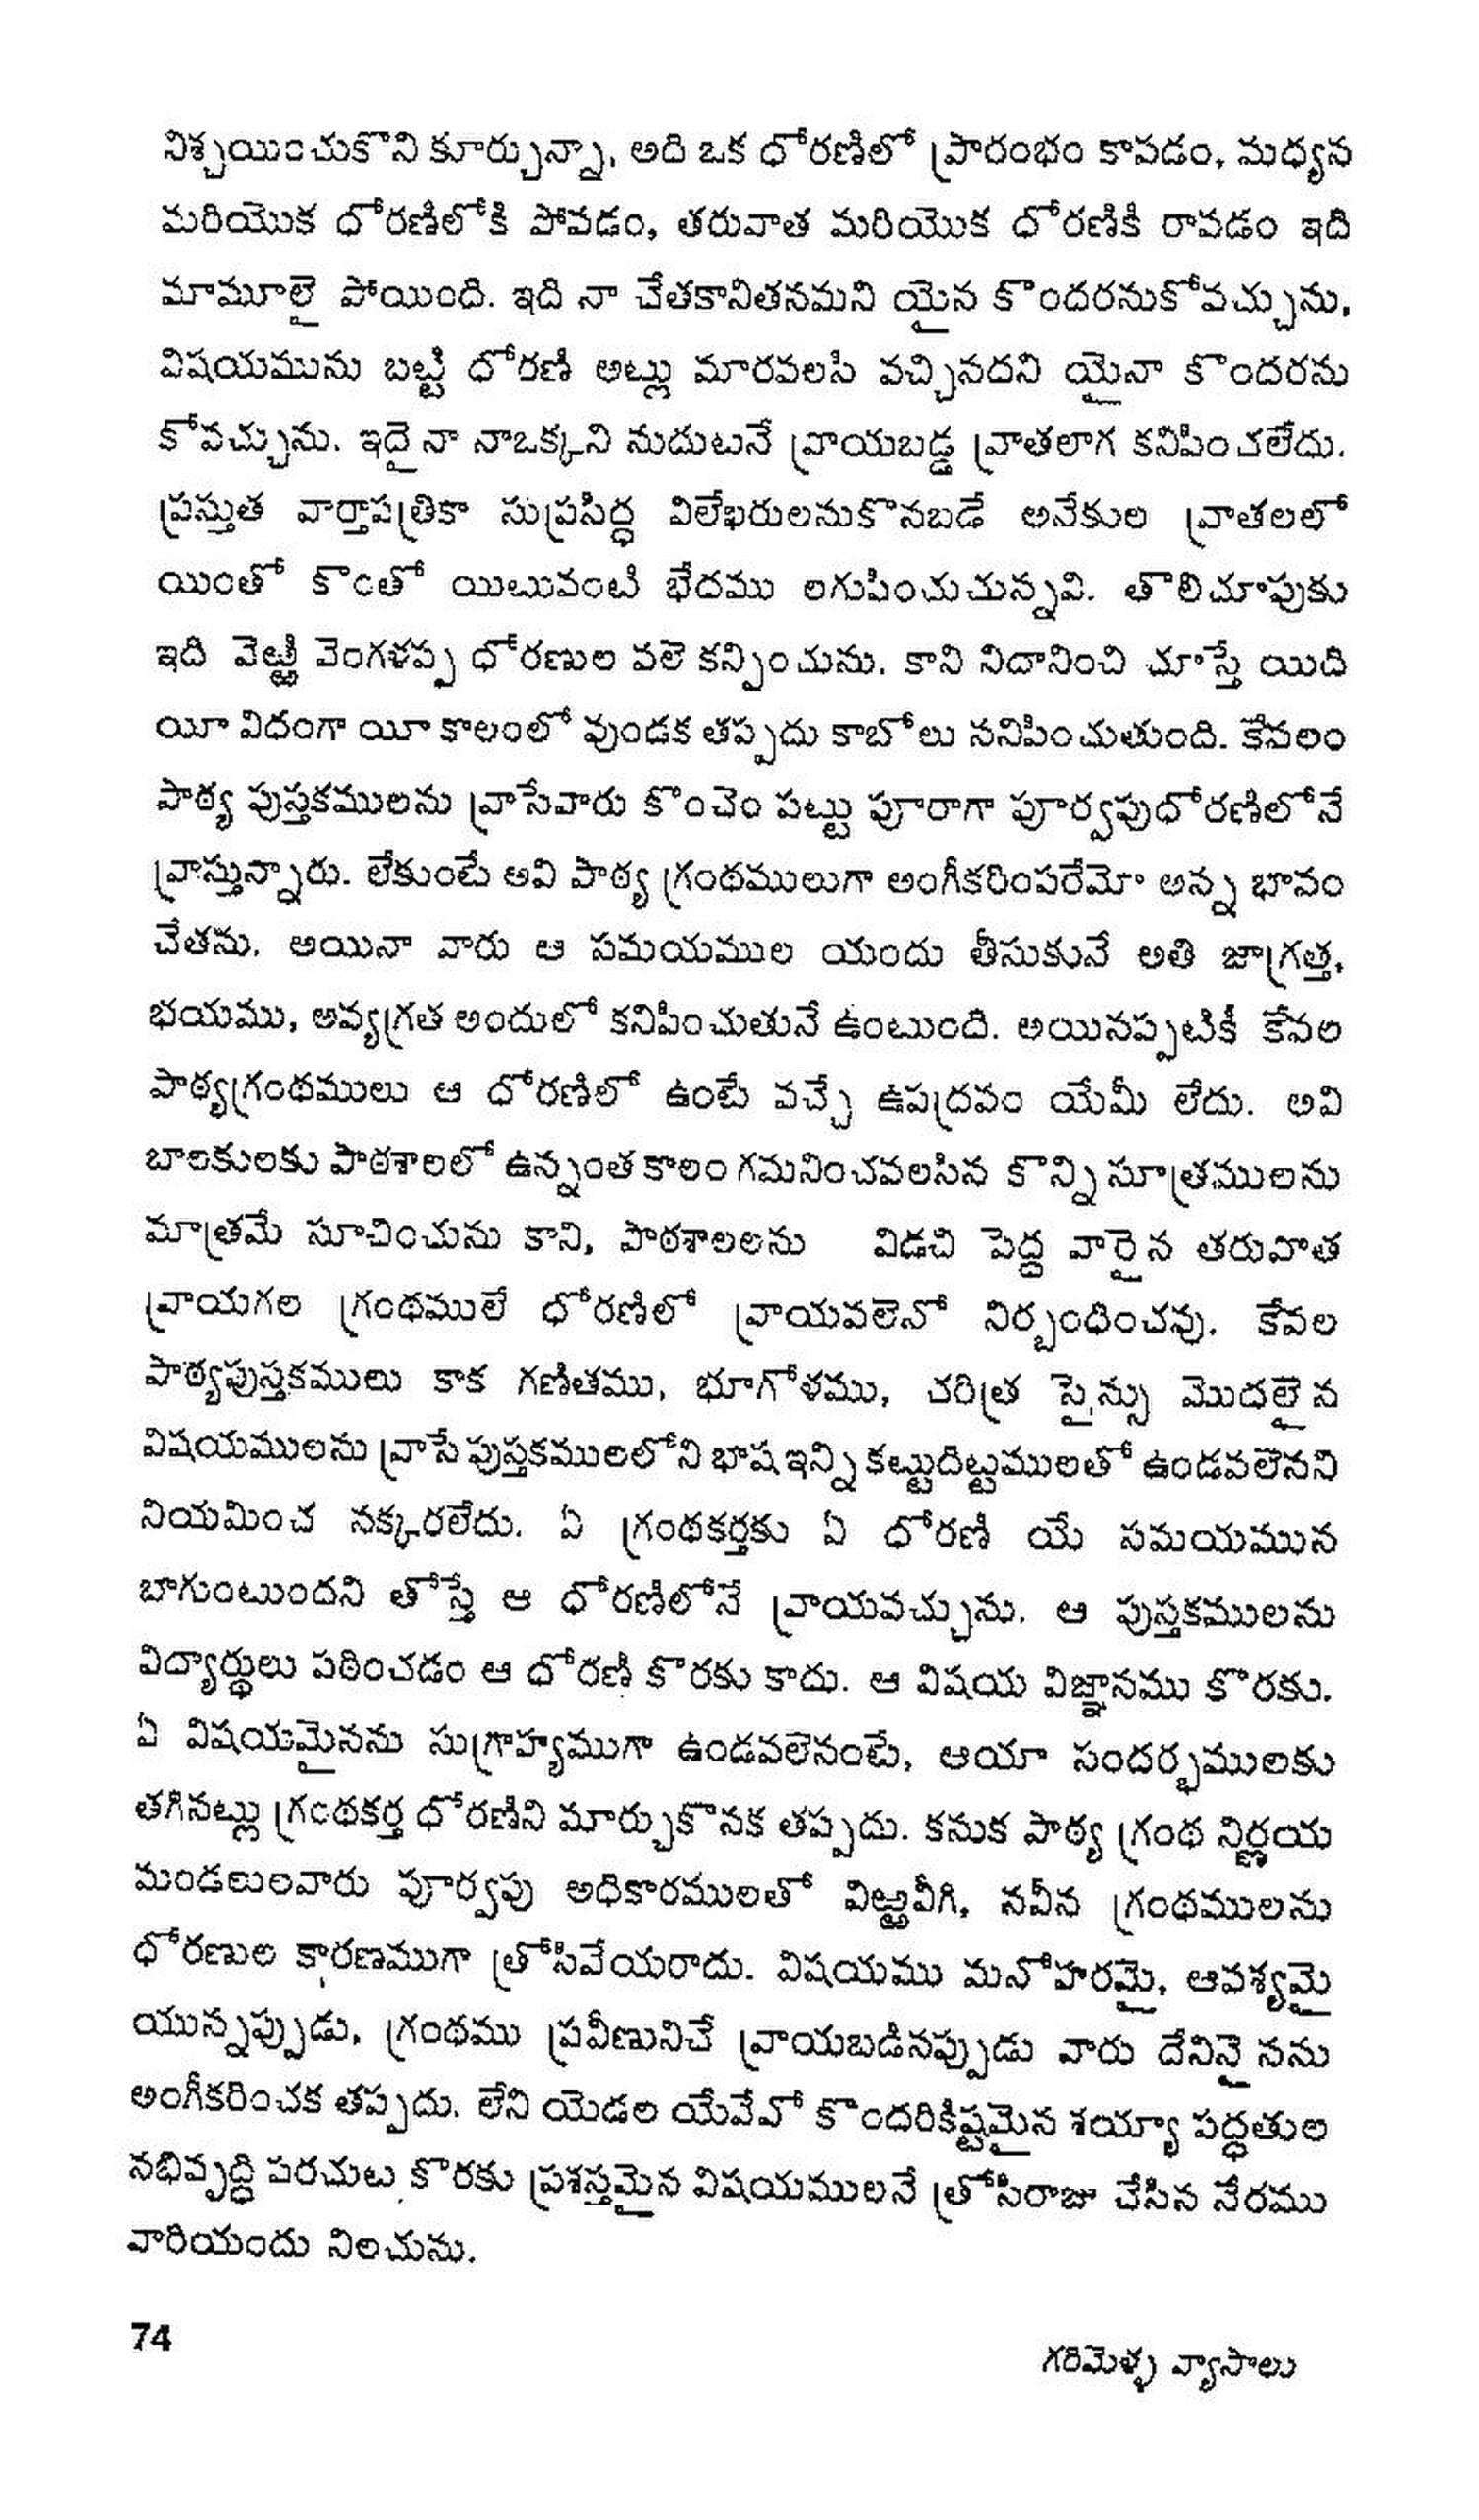నిశ్చయించుకొని కూర్చున్నా, అది ఒక ధోరణిలో ప్రారంభం కావడం, మధ్యన మరియొక ధోరణిలోకి పోవడం, తరువాత మరియొక ధోరణికి రావడం ఇది మామూలై పోయింది. ఇది నా చేతకానితనమని యైన కొందరనుకోవచ్చును. విషయమును బట్టి ధోరణి అట్లు మారవలసి వచ్చినదని యైనా కొందరనుకోవచ్చును. ఇదైనా నాఒక్కని నుదుటనే వ్రాయబడ్డ వ్రాతలాగ కనిపించలేదు. ప్రస్తుత వార్తాపత్రికా సుప్రసిద్ధ విలేఖరులనుకొనబడే అనేకుల వ్రాతలలో యింతో కొంతో యిటువంటి భేదము లగుపించుచున్నవి. తొలిచూపుకు ఇది వెఱ్ఱి వెంగళప్ప ధోరణుల వలె కన్పించును. కాని నిదానించి చూస్తే యిది యీ విధంగా యీ కాలంలో వుండక తప్పదు కాబోలు ననిపించుతుంది. కేవలం పాఠ్య పుస్తకములను వ్రాసేవారు కొంచెం పట్టు పూరాగా పూర్వపుధోరణిలోనే వ్రాస్తున్నారు. లేకుంటే అవి పాఠ్య గ్రంథములుగా అంగీకరింపరేమో అన్న భావం చేతను, అయినా వారు ఆసమయముల యందు తీసుకునే అతి జాగ్రత్త, భయము, అవ్యగ్రత అందులో కనిపించుతునే ఉంటుంది. అయినప్పటికీ కేవల పాఠ్యగ్రంథములు ఆ దోరణిలో ఉంటే వచ్చే ఉపద్రవం యేమీ లేదు. అవి బాలకులకు పాఠశాలలో ఉన్నంతకాలం గమనించవలసిన కొన్ని సూత్రములను మాత్రమే సూచించును కాని, పాఠశాలలను విడచి పెద్ద వారైన తరువాత వ్రాయగల గ్రంథములే ధోరణిలో వ్రాయవలెనో నిర్భందించవు. కేవల పాఠ్యపుస్తకములు కాక గణితము, భూగోళము, చరిత్ర సైన్సు మొదలైన విషయములను వ్రాసే పుస్తకములలోని భాష ఇన్ని కట్టుదిట్టములతో ఉండవలెనని నియమించ నక్కరలేదు. ఏ గ్రంథకర్తకు ఏ ధోరణి యే సమయమున బాగుంటుందని తోస్తే ఆధోరణిలోనే వ్రాయవచ్చును. ఆ పుస్తకములను విద్యార్థులు పఠించడం ఆధోరణి కొరకు కాదు. ఆ విషయ విజ్ఞానము కొరకు. ఏ విషయమైనను సుగ్రాహ్యముగ ఉండవలెనంటే, ఆయా సందర్భములకు తగినట్లు గ్రంథకర్త ధోరణిని మార్చుకొనక తప్పదు. కనుక పాఠ్య గ్రంథ నిర్ణయ మండలులవారు పూర్వపు అధికరములతో విఱ్ఱవీగి, నవీన గ్రంథములను ధోరణుల కారణముగా త్రోసివేయరాదు. విషయము మనోహరమై, అవశ్యమై యున్నప్పుడు, గ్రంథము ప్రవీణునిచే వ్రాయబడినప్పుడు వారు దేనినై నను అంగీకరించక తప్పదు. లేని యెడల యేవేవో కొందరికిష్టమైన శయ్యా పద్ధతుల నభివృద్ధి పరచుట కొరకు ప్ర్రశస్తమైన విషములనే త్రోసిరాజు చేసిన నేరము వారియందు నిలచును.